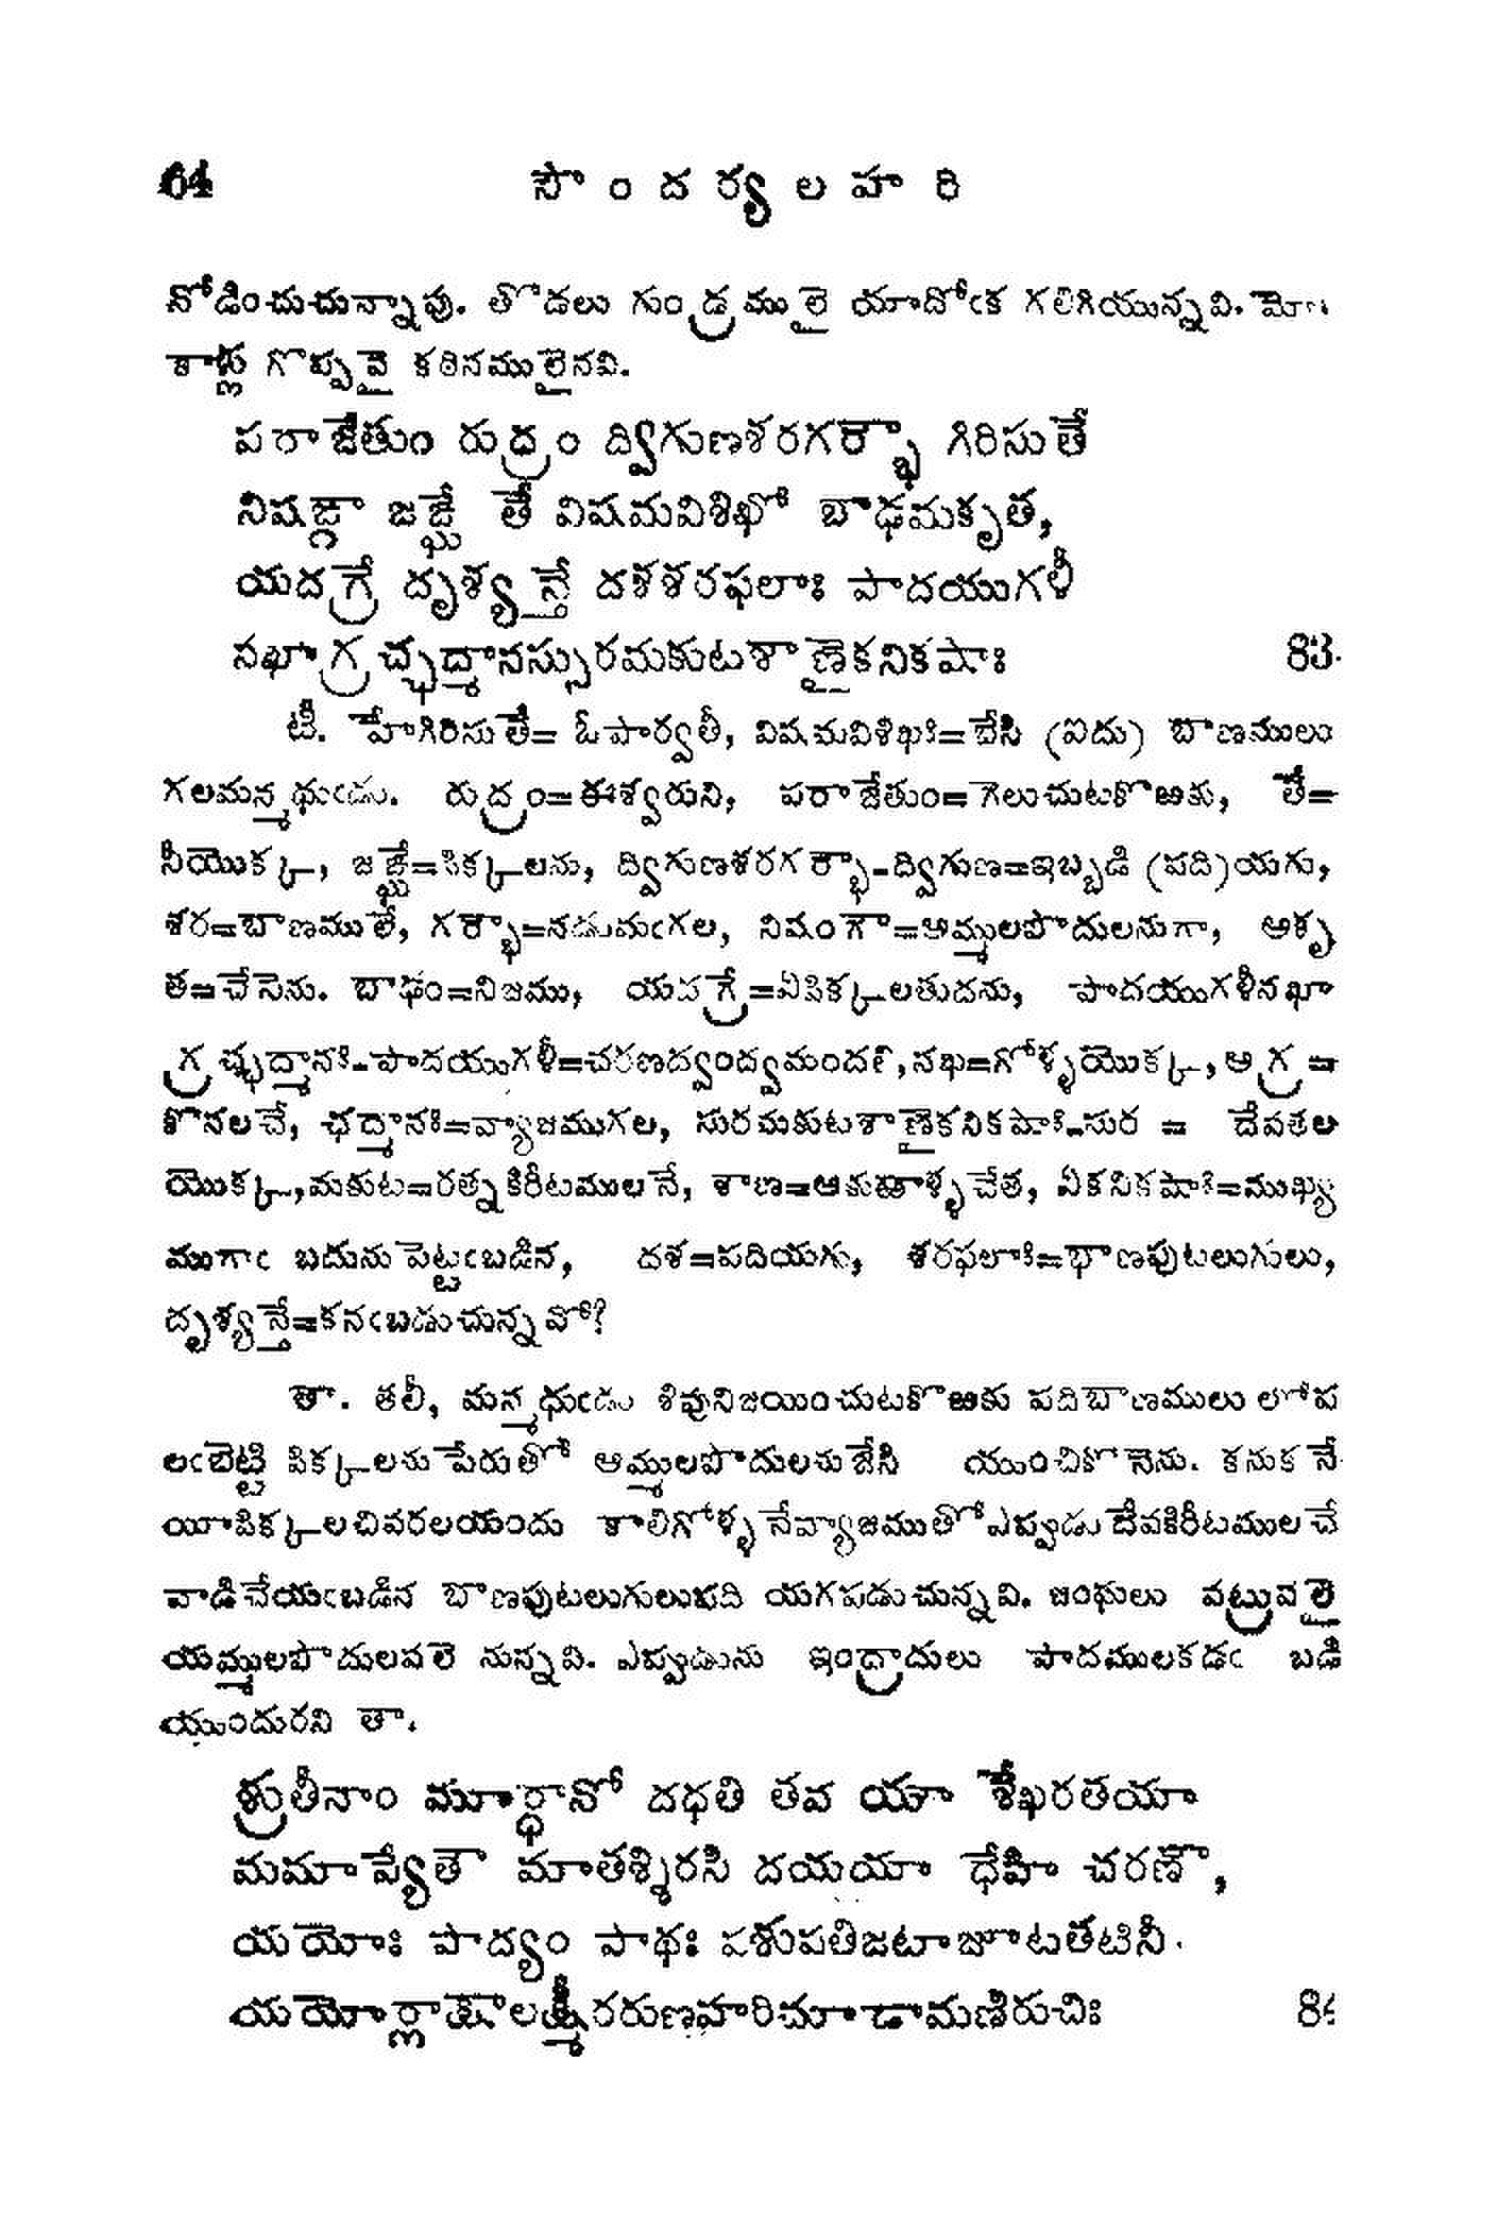నోడించుచున్నావు. తొడలు గుండ్రములై యాదోఁక గలిగియున్నవి. మోకాళ్లు గొప్పవై కఠినములైనవి.

పరాజేతుం రుద్రం ద్విగుణశరగర్భౌ గిరిసుతే
నిషఙ్గా జఙ్ఘే తే విషమవిశిఖో బాఢమకృత,
యదగ్రే దృశ్యన్తే దశశరఫలాః పాదయుగళీ
నఖాగ్రచ్ఛద్మానస్సురమకుటశాణైకనికషాః 83
టీ. హేగిరిసుతే = ఓపార్వతీ, విషమవిశిఖః = బేసి (ఐదు) బాణములుగలమన్మథుఁడు, రుద్రం = ఈశ్వరుని, పరాజేతుం = గెలుచుటకొఱకు, తే = నీయొక్క, జఙ్ఘే = పిక్కలను, ద్విగుణశరగర్భౌ-ద్విగుణ = ఇబ్బడి (పది) యగు, శర = బాణములే, గర్భౌ = నడుమఁగల, నిషంగౌ = అమ్ములపొదలనుగా, అకృత = చేసెను. బాఢం = నిజము, యదగ్రే = ఏపిక్కలతుదను, పాదయుగళీనఖాగ్రచ్ఛద్మానః-పాదయుగళీ = చరణద్వంద్వమందలి, నఖ = గోళ్ళయొక్క, అగ్ర = కొనలచే, ఛద్మానః = వ్యాజముగల, సురమకుటశాణైకనిషాః-సుర = దేవతలయొక్క, మకుట = రత్నకిరీటములనే, శాణ = ఆకురాళ్ళచేత, ఏకనికషాః = ముఖ్యముగాఁ బదునుపెట్టఁబడిన, దశ = పదియగు, శరఫలాః = భాణపుటలుగులు, దృశ్యన్తే = కనఁబడుచున్నవో?

తా. తల్లీ, మన్మథుఁడు శివునిజయించుటకొఱకు పదిబాణములు లోపలఁబెట్టి పిక్కలనుపేరుతో అమ్ములపొదులనుజేసి యుంచికొనెను. కనుకనే యీపిక్కలచివరలయందు కాలిగోళ్ళనేవ్యాజముతో ఎప్పుడు దేవకిరీటములచే వాడిచేయఁబడిన బాణపుటలుగులుపది యగపడుచున్నవి. జంఘలు వట్రువలై యమ్ములపొదులవలె నున్నవి. ఎప్పుడును ఇంద్రాదులు పాదములకడఁ బడి యుందురని తా.

శ్రుతీనాం మూర్ధానో దధతి తవ యౌ శేఖరతయా
మమాప్యేతౌ మాతశ్శిరసి దయయా ధేహి చరణౌ,
యయోః పాద్యం పాథః పశుపతిజటాజూటతటినీ,
యయోర్లాక్షాలక్ష్మీరరుణహరిచూడామణిరుచిః 84